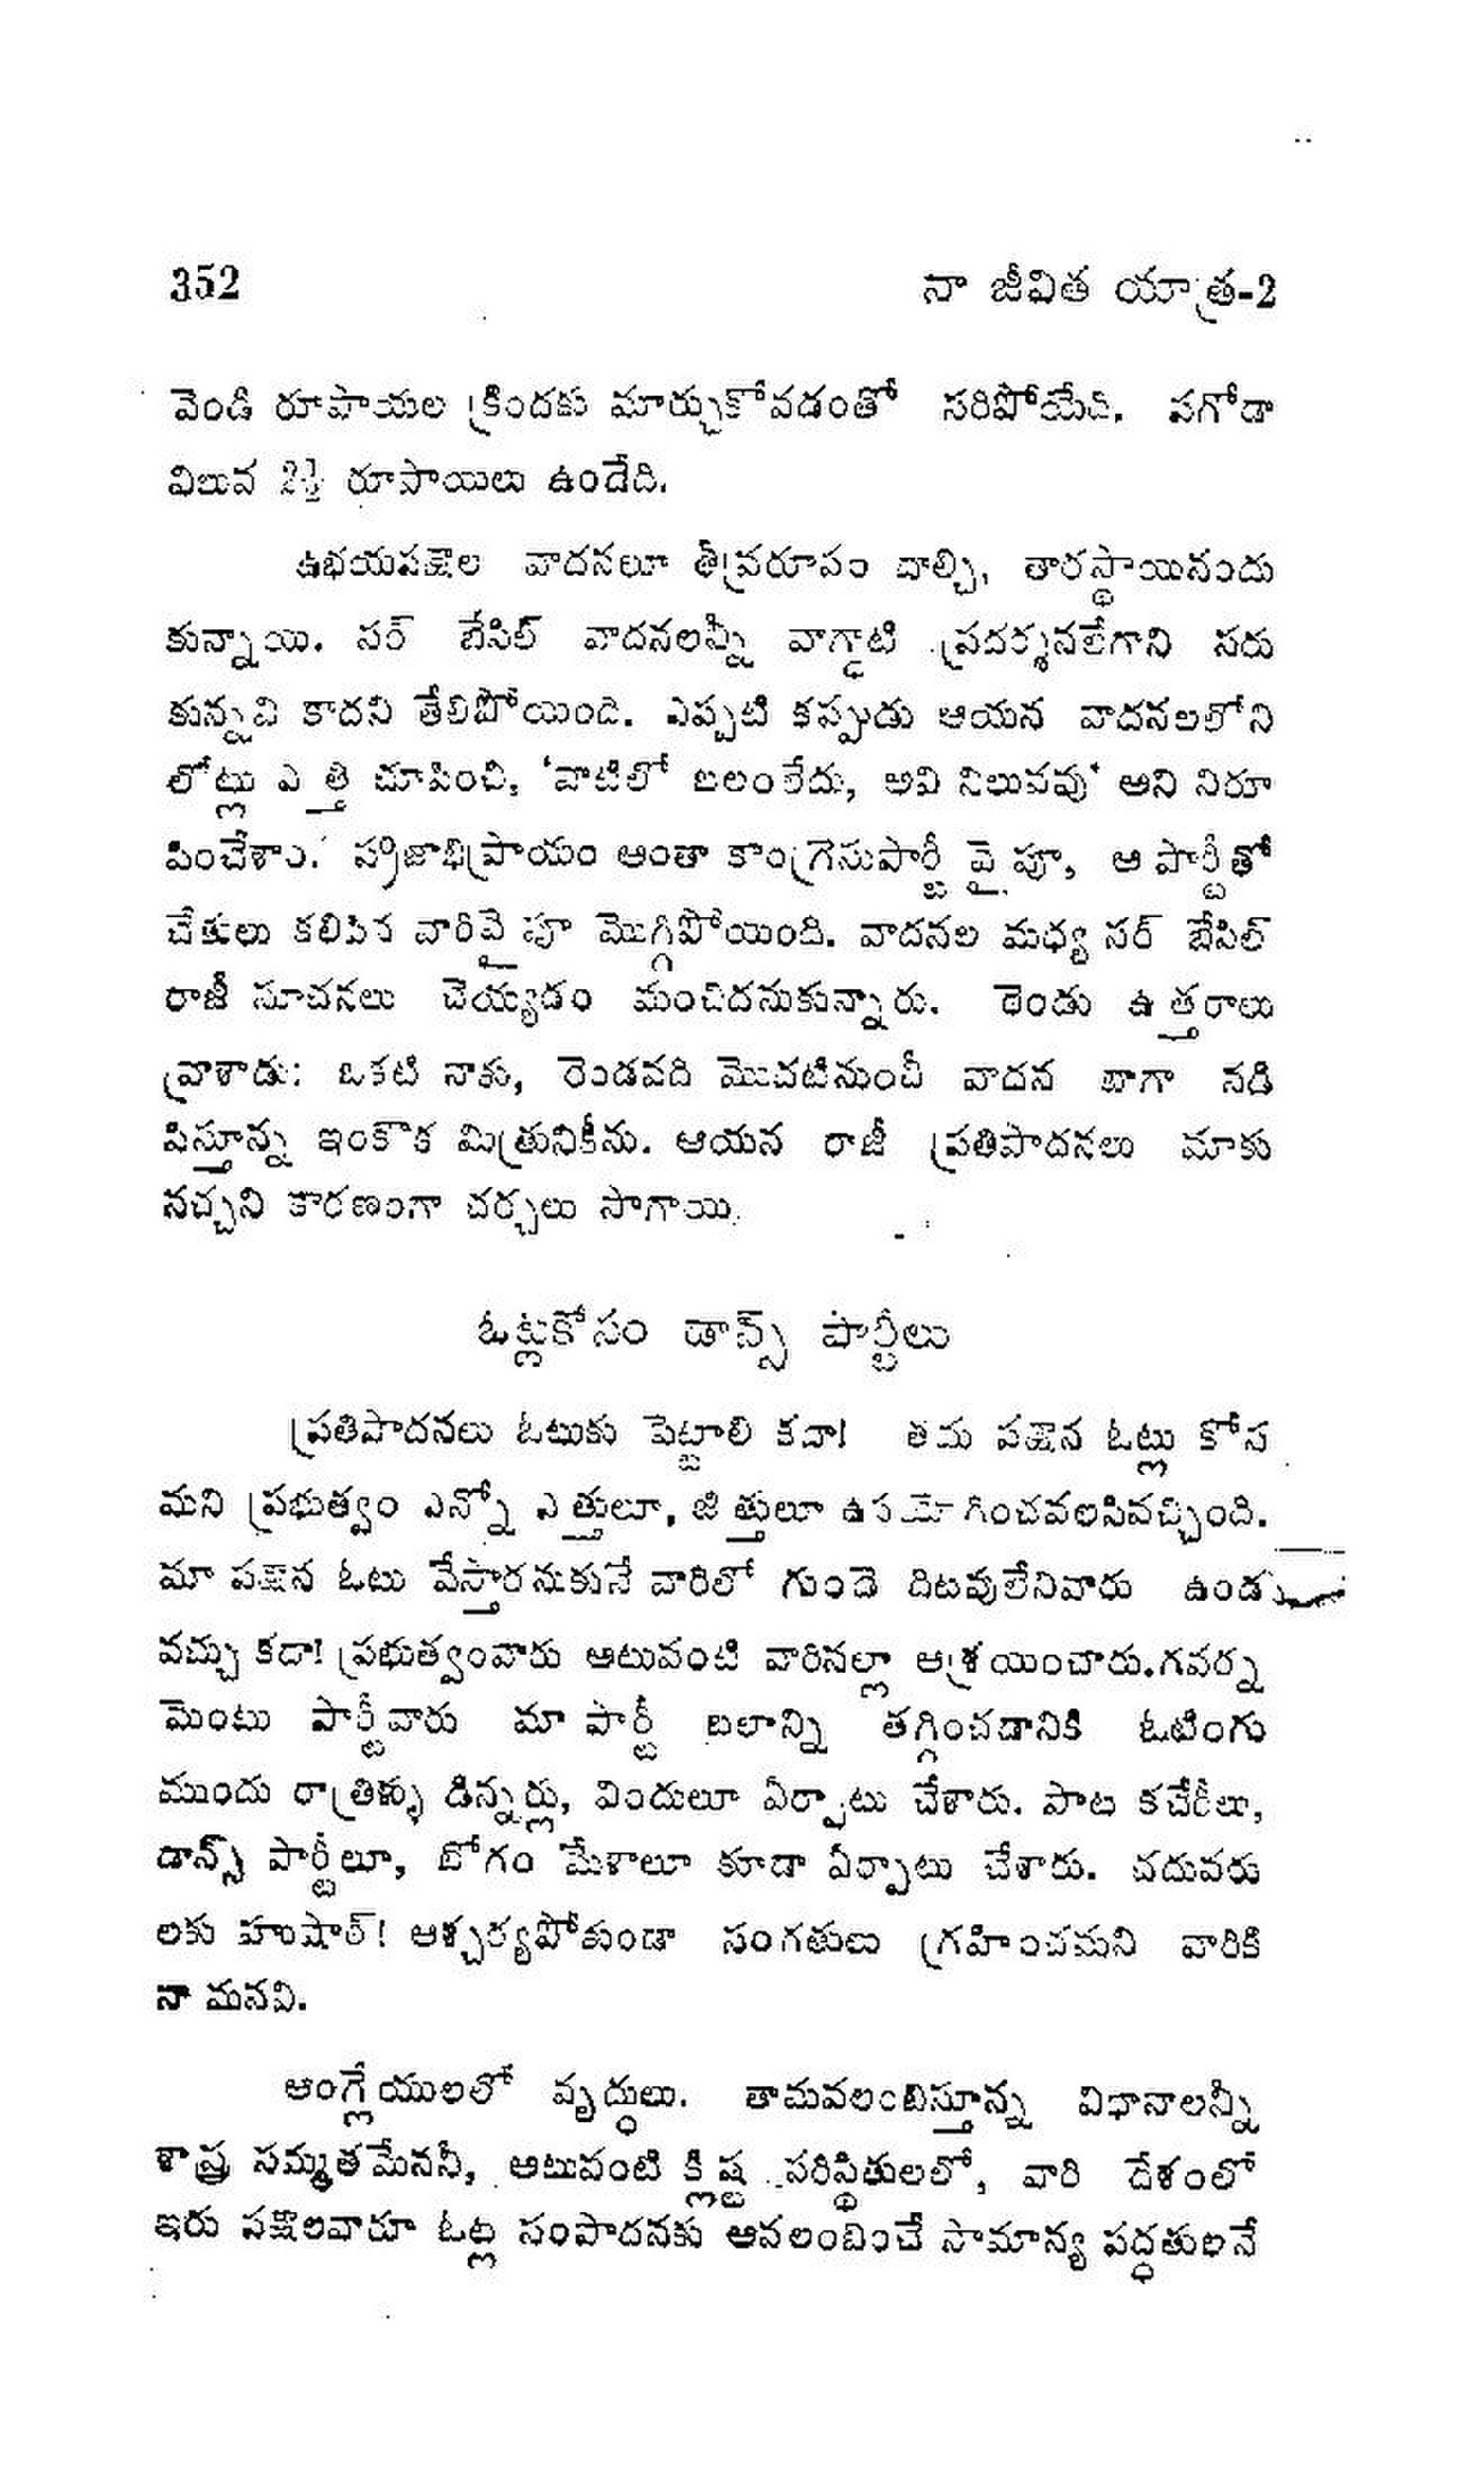వెండి రూపాయల క్రిందకు మార్చుకోవడంతో సరిపోయేది. పగోడా విలువ 2.5 రూపాయలు ఉండేది.

ఉభయపక్షాల వాదనలూ తీవ్రరూపం దాల్చి, తారస్థాయినందు కున్నాయి. సర్ బేసిల్ వాదనలన్నీ వాగ్దాటి ప్రదర్శనలేగాని సరుకున్నవి కాదని తేలిపోయింది. ఎప్పటి కప్పుడు ఆయన వాదనలలోని లోట్లు ఎత్తి చూపించి, "వాటిలో బలం లేదు, అవి నిలువవు" అని నిరూపించేశాం. ప్రజాభిప్రాయం అంతా కాంగ్రెసుపార్టీ వైపూ, ఆ పార్టీతో చేతులు కలిపిన వారివైపూ మొగ్గిపోయింది. వాదనల మధ్య సర్ బేసిల్ రాజీ సూచనలు చెయ్యడం మంచిదనుకున్నారు. రెండు ఉత్తరాలు వ్రాశాడు: ఒకటి నాకు, రెండవది మొదటినుంచీ వాదన బాగా నడిపిస్తూన్న ఇంకొక మిత్రునికీను. ఆయన రాజీ ప్రతిపాడనలు మాకు నచ్చని కారణంగా చర్చలు సాగాయి.

ప్రతిపాదనలు ఓటుకు పెట్టాలి కదా! తమ పక్షాన ఓట్లు కోసమని ప్రభుత్వం ఎన్నో ఎత్తులూ, జిత్తులూ ఉపయోగించవలసివచ్చింది. మా పక్షాన ఓటు వేస్తారనుకునే వారిలో గుండె దిటవులేనివారు ఉండ వచ్చు కదా! ప్రభుత్వంవారు అటువంటి వారినల్లా ఆశ్రయించారు. గవర్నమెంటు పార్టీవారు మా పార్టీ బలాన్ని తగ్గించడానికి ఓటింగు ముందు రాత్రిళ్ళు డిన్నర్లు, విందులూ ఏర్పాటు చేశారు. పాట కచేరీలు, డాన్స్ పార్టీలూ, బోగం మేళాలూ కూడా ఏర్పాటు చేశారు. చదువరులకు హుషార్! ఆశ్చర్యపోకుండా సంగతులు గ్రహించమని వారికి నా మనవి.

ఆంగ్లేయులలో వృద్ధులు, తామవలంబిస్తూన్న విధానాలన్నీ శాస్త్ర సమ్మతమేననీ, అటువంటి క్లిష్ట పరిస్థితులలో, వారి దేశంలో ఇరు పక్షాలవారూ ఓట్ల సంపాదనకు అవలంబించే సామాన్య పద్ధతులనే